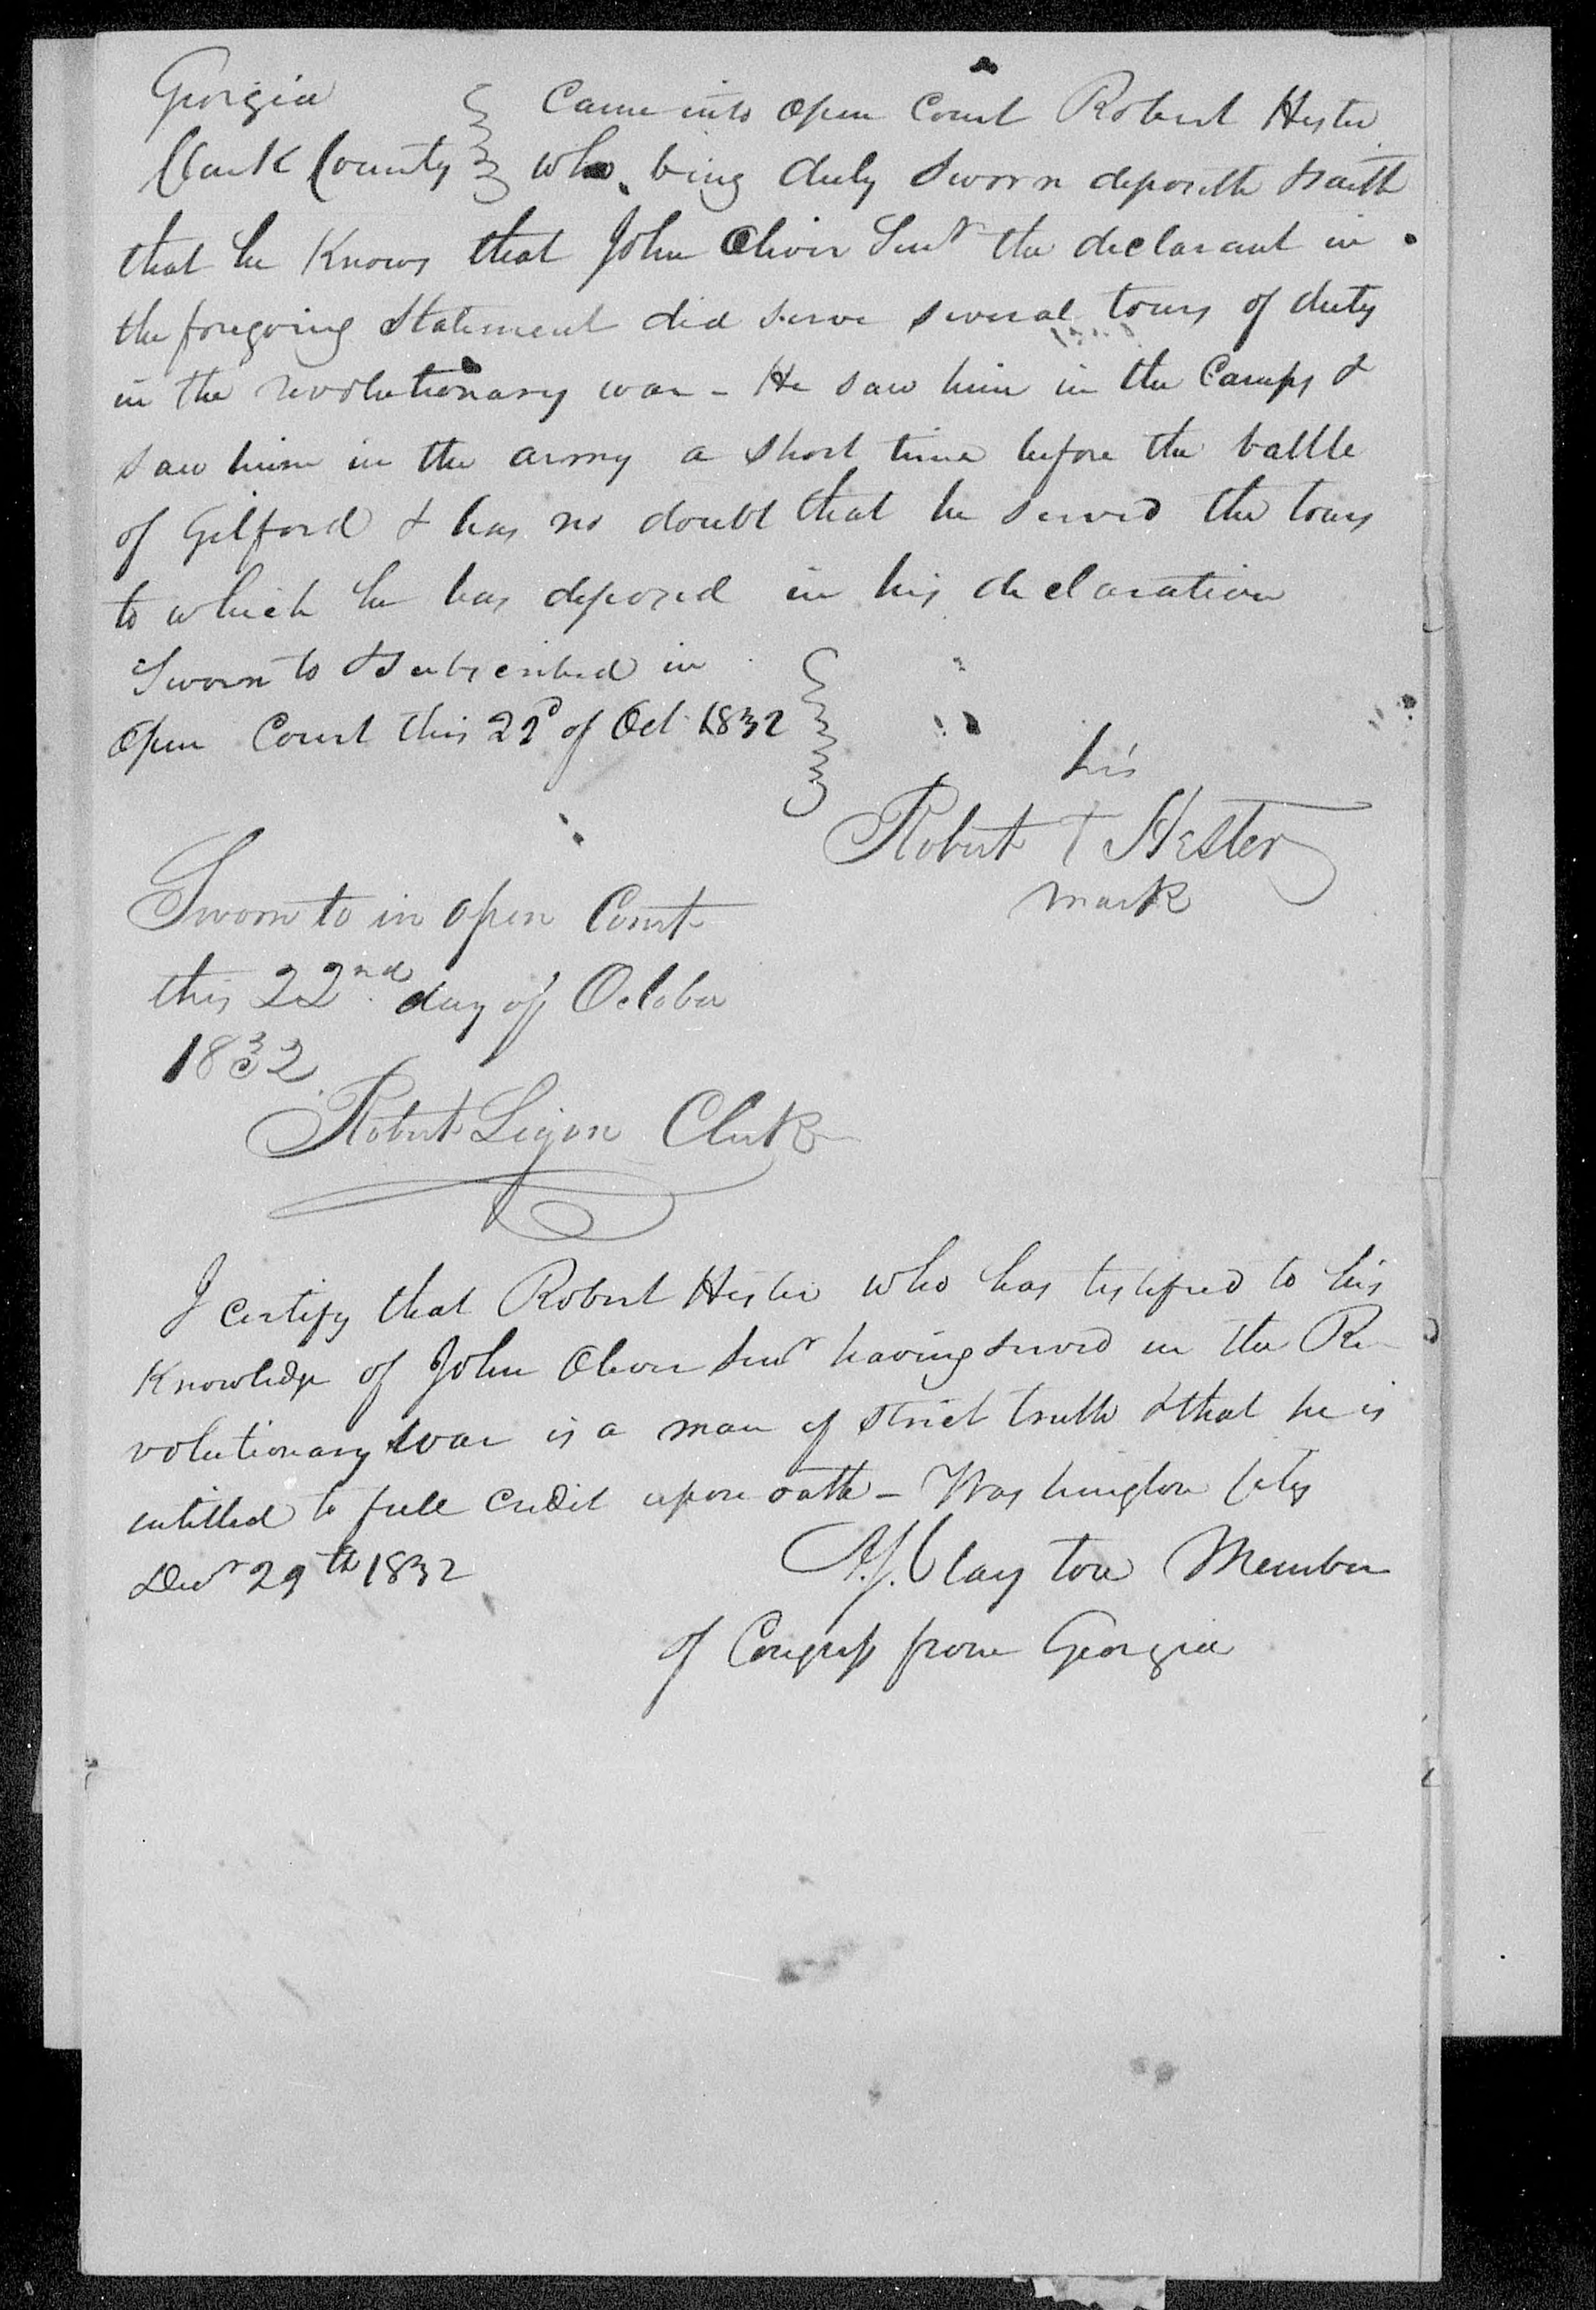Georgia
Clark County
Came into open Court Robert Hester who being duly sworn deposeth saith that he knows that John Oliver Senr the declarant in the foregoing Statement did serve several tours of duty in the revolutionary war.  He saw him in the Camps & saw him in the army a short time before the battle of Gilford (sic) & has no doubt that he served the tours to he has deposed in his declaration.
                       Robert X Hester
                          (X his mark)
Sworn to & subscribed in open Court this 22nd of October 1832

Sworn to in open Court this 22nd day of October 1832
        Robert Ligon Clerk

I certify that Robert Hester who has testified to his knowledge of John Oliver Sen. having served in the Revolutionary War is a man of strict truth & that he is entitled to full credit upon oath.  Washington City Dec. 29th 1832

A.S. Clayton Member 
of Congress from Georgia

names: Robert Ligon; Robert Hester; John Oliver; A S Clayton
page: 6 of 32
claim: survivor's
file: S. 31888, for John Oliver, North Carolina